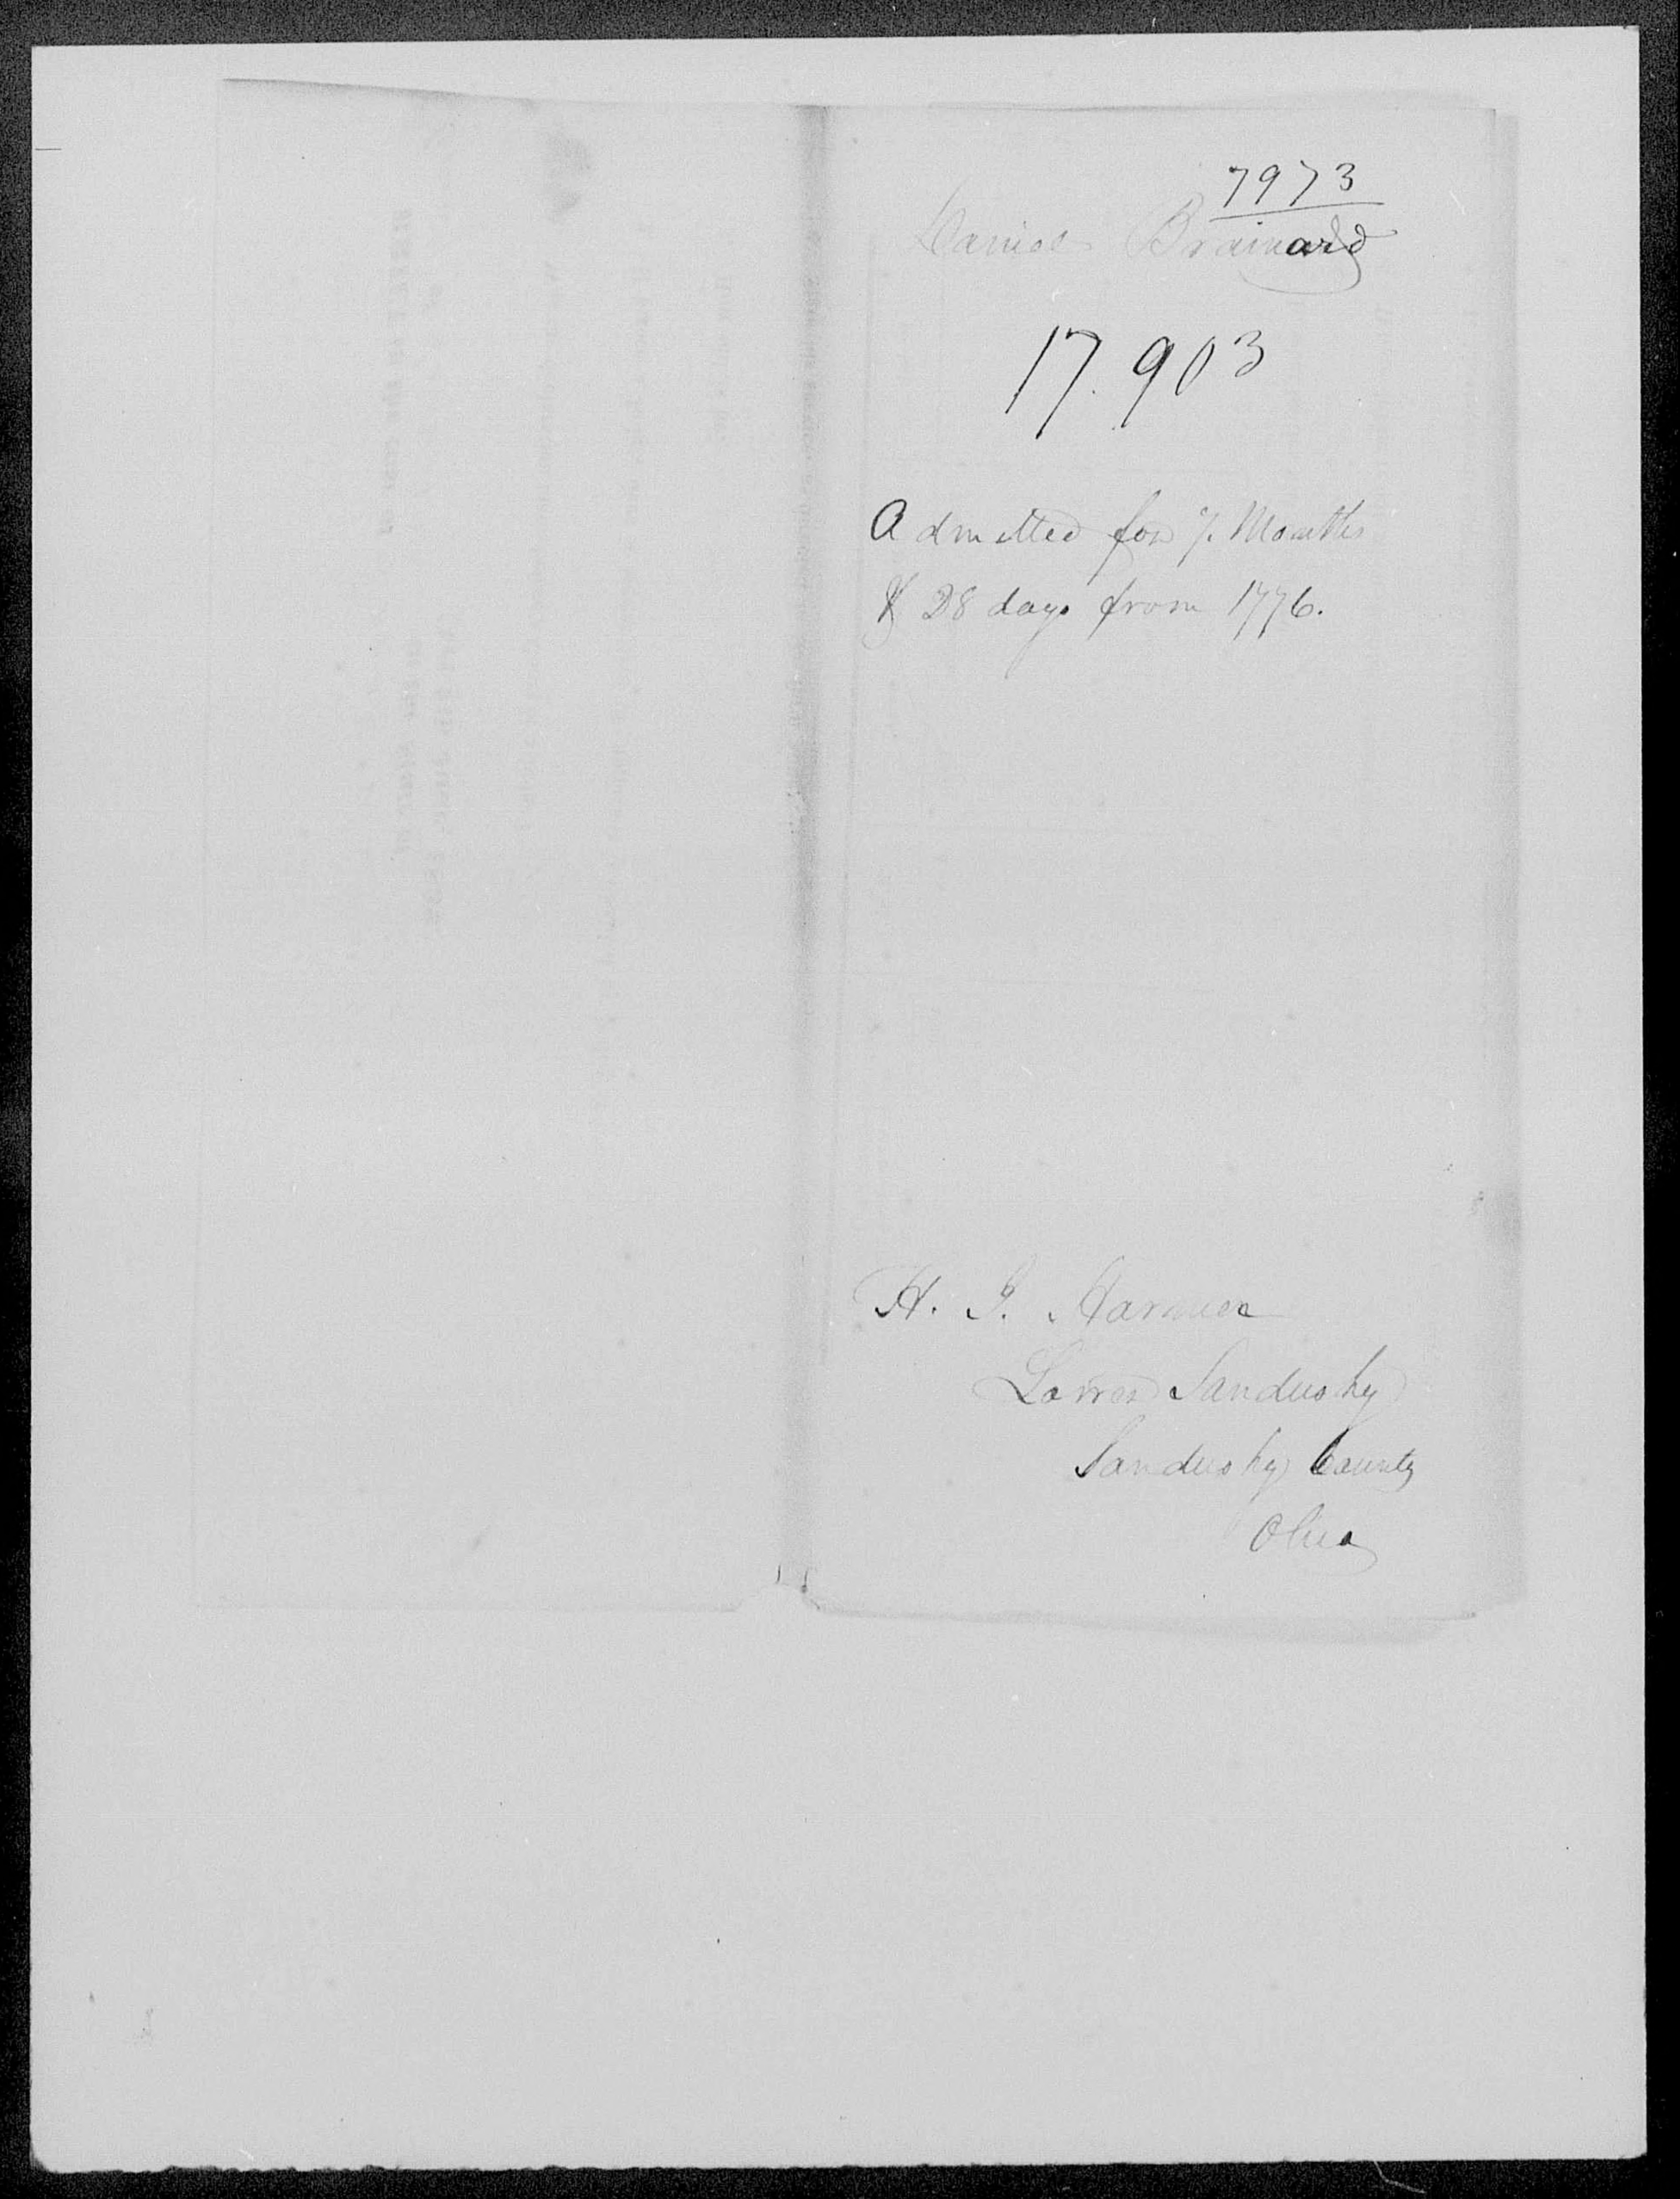7973

Daniel Brainard

17.903

Admitted for 7 Months
and 28 days from 1776.

H. J. Harmen
Lower Sandusky
Sandusky County
Ohio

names: Darius Brainard, H J Harmen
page: 10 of 30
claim: survivor's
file: S. 3099, Daniel Brainard, Conn. Privateer